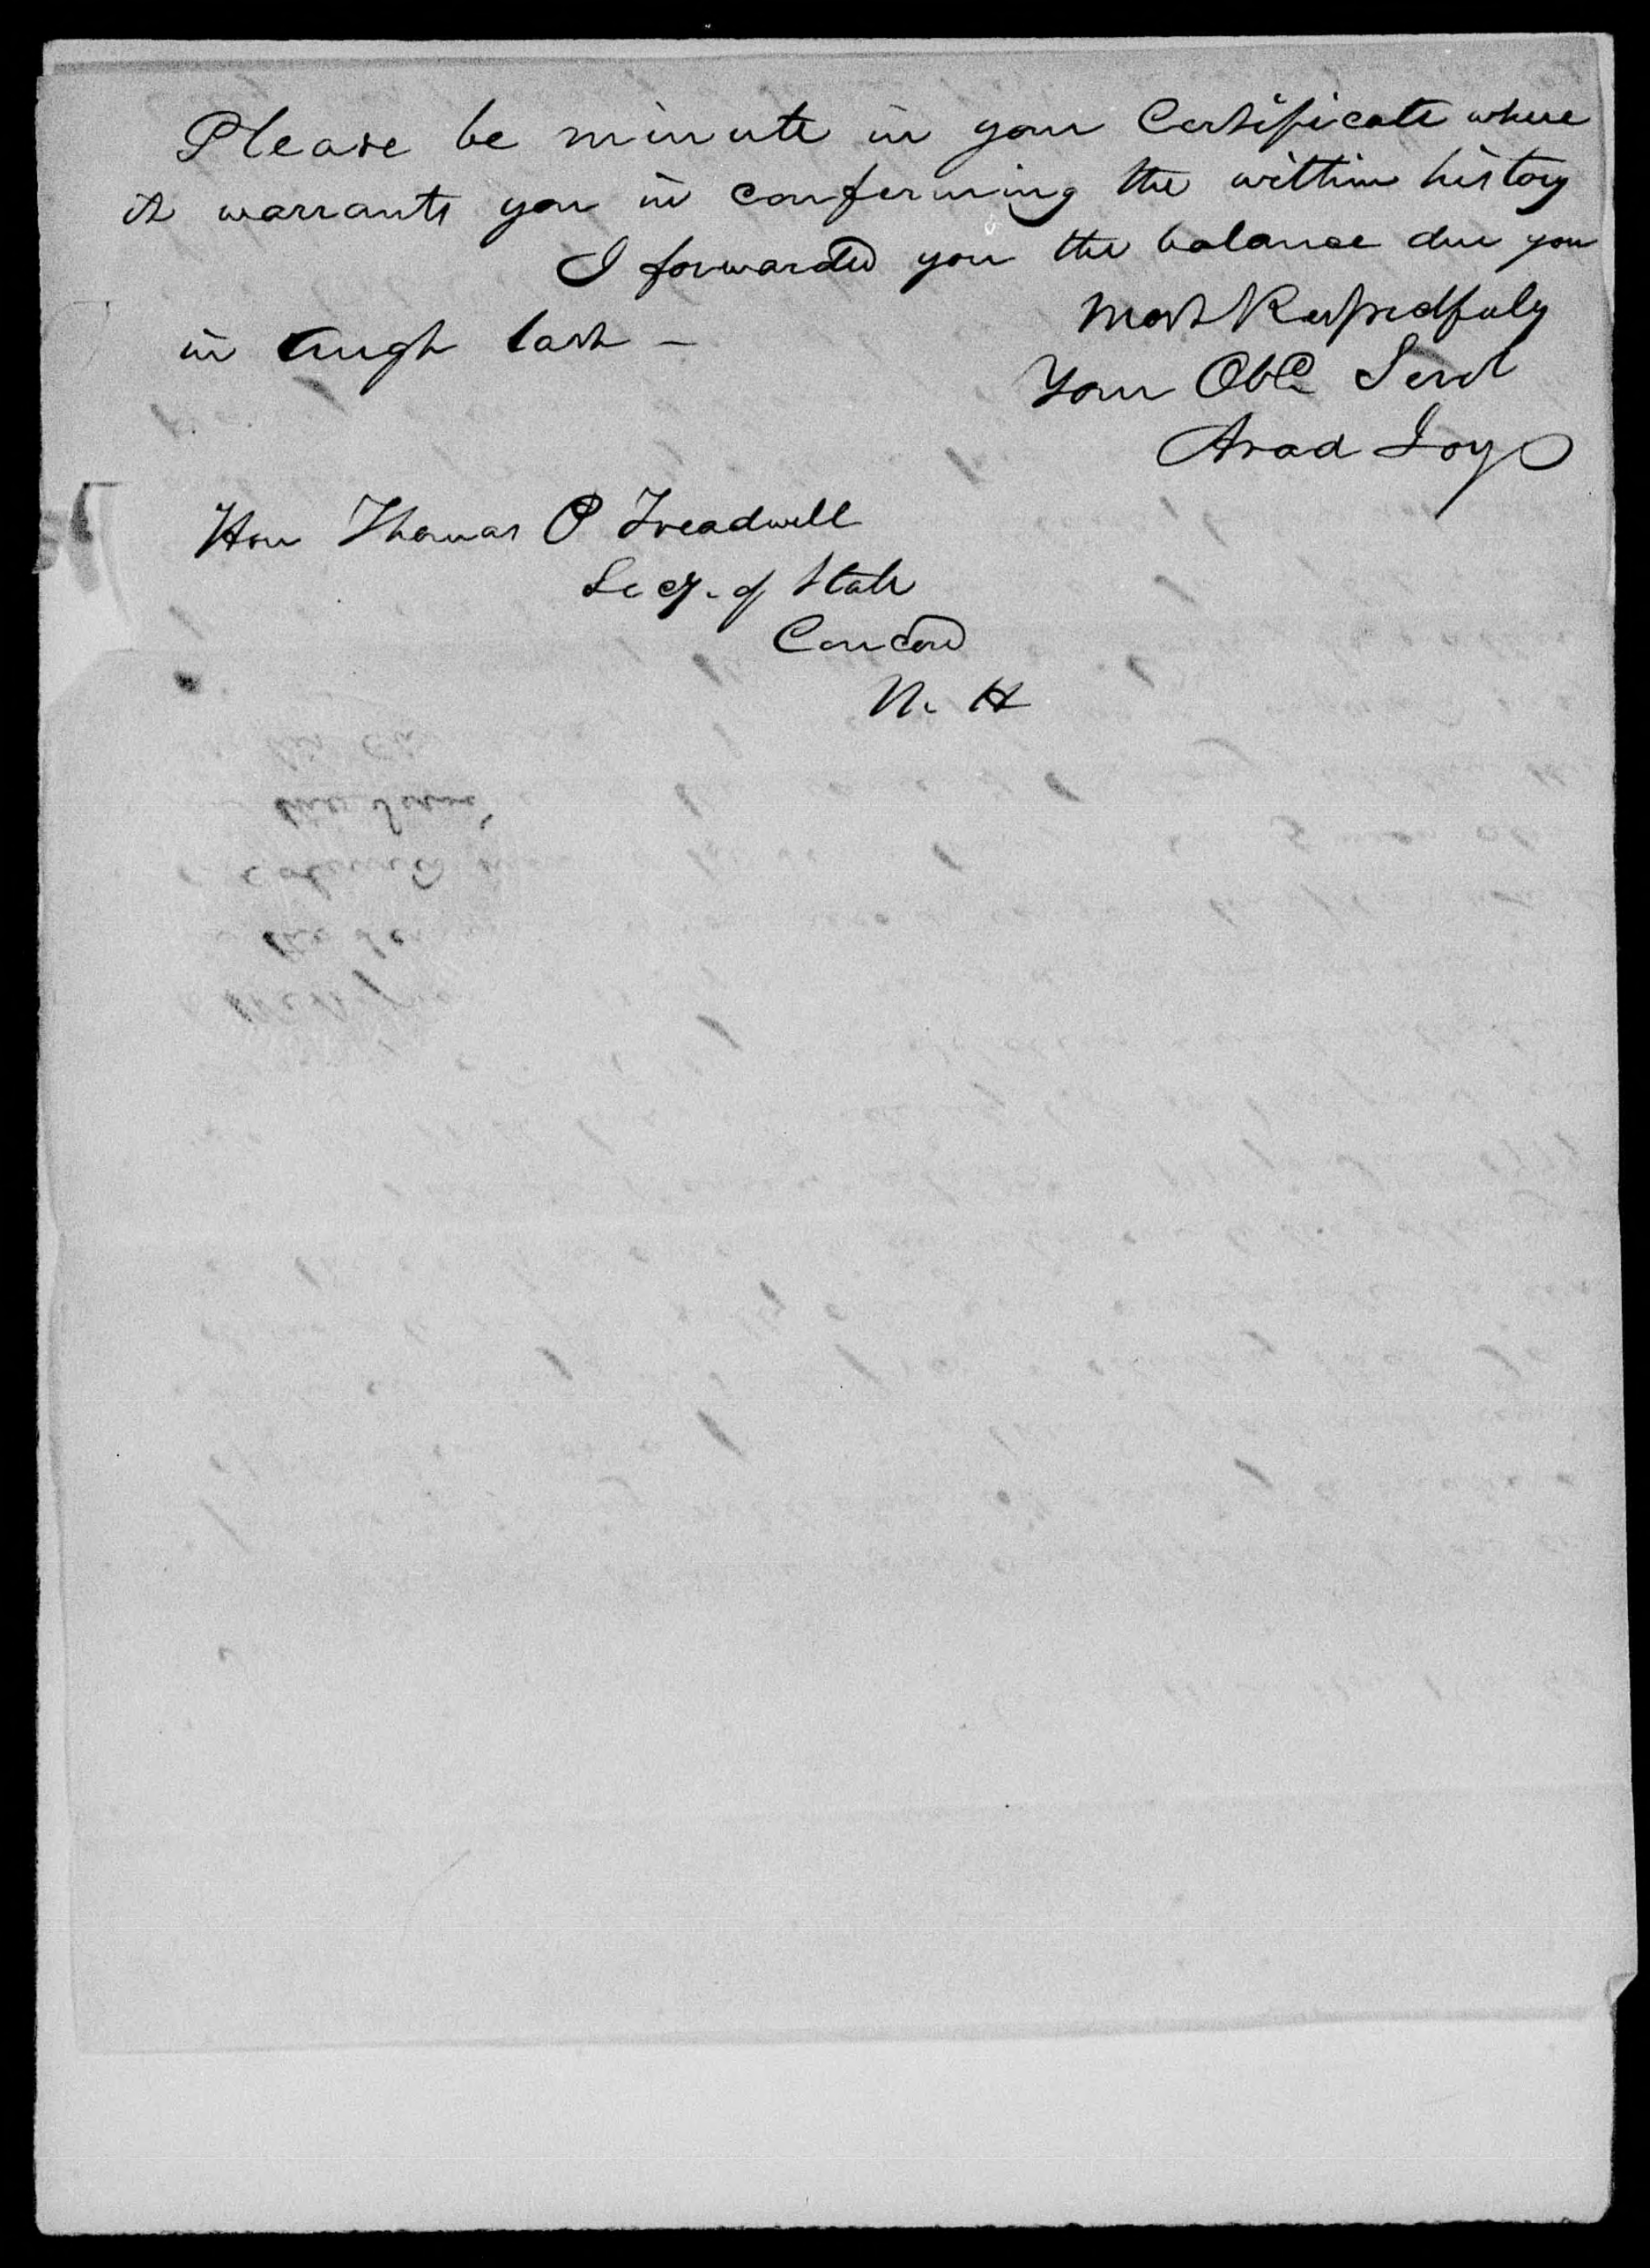[handwritten letter continued]
Please be minute in your Certificate where it warrants you in confirming the within history
I forwarded you the balance due you in Augt last - 
Most Respectfully Your Obt Serv't
/s/Arad Joy
Hon. Thomas P. Treadwell
Secy of State
Concord N.H.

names: Thomas P Treadwell, Arad Joy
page: 58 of 80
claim: survivor's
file: S. 18008, Thomas Harvey, N.H.